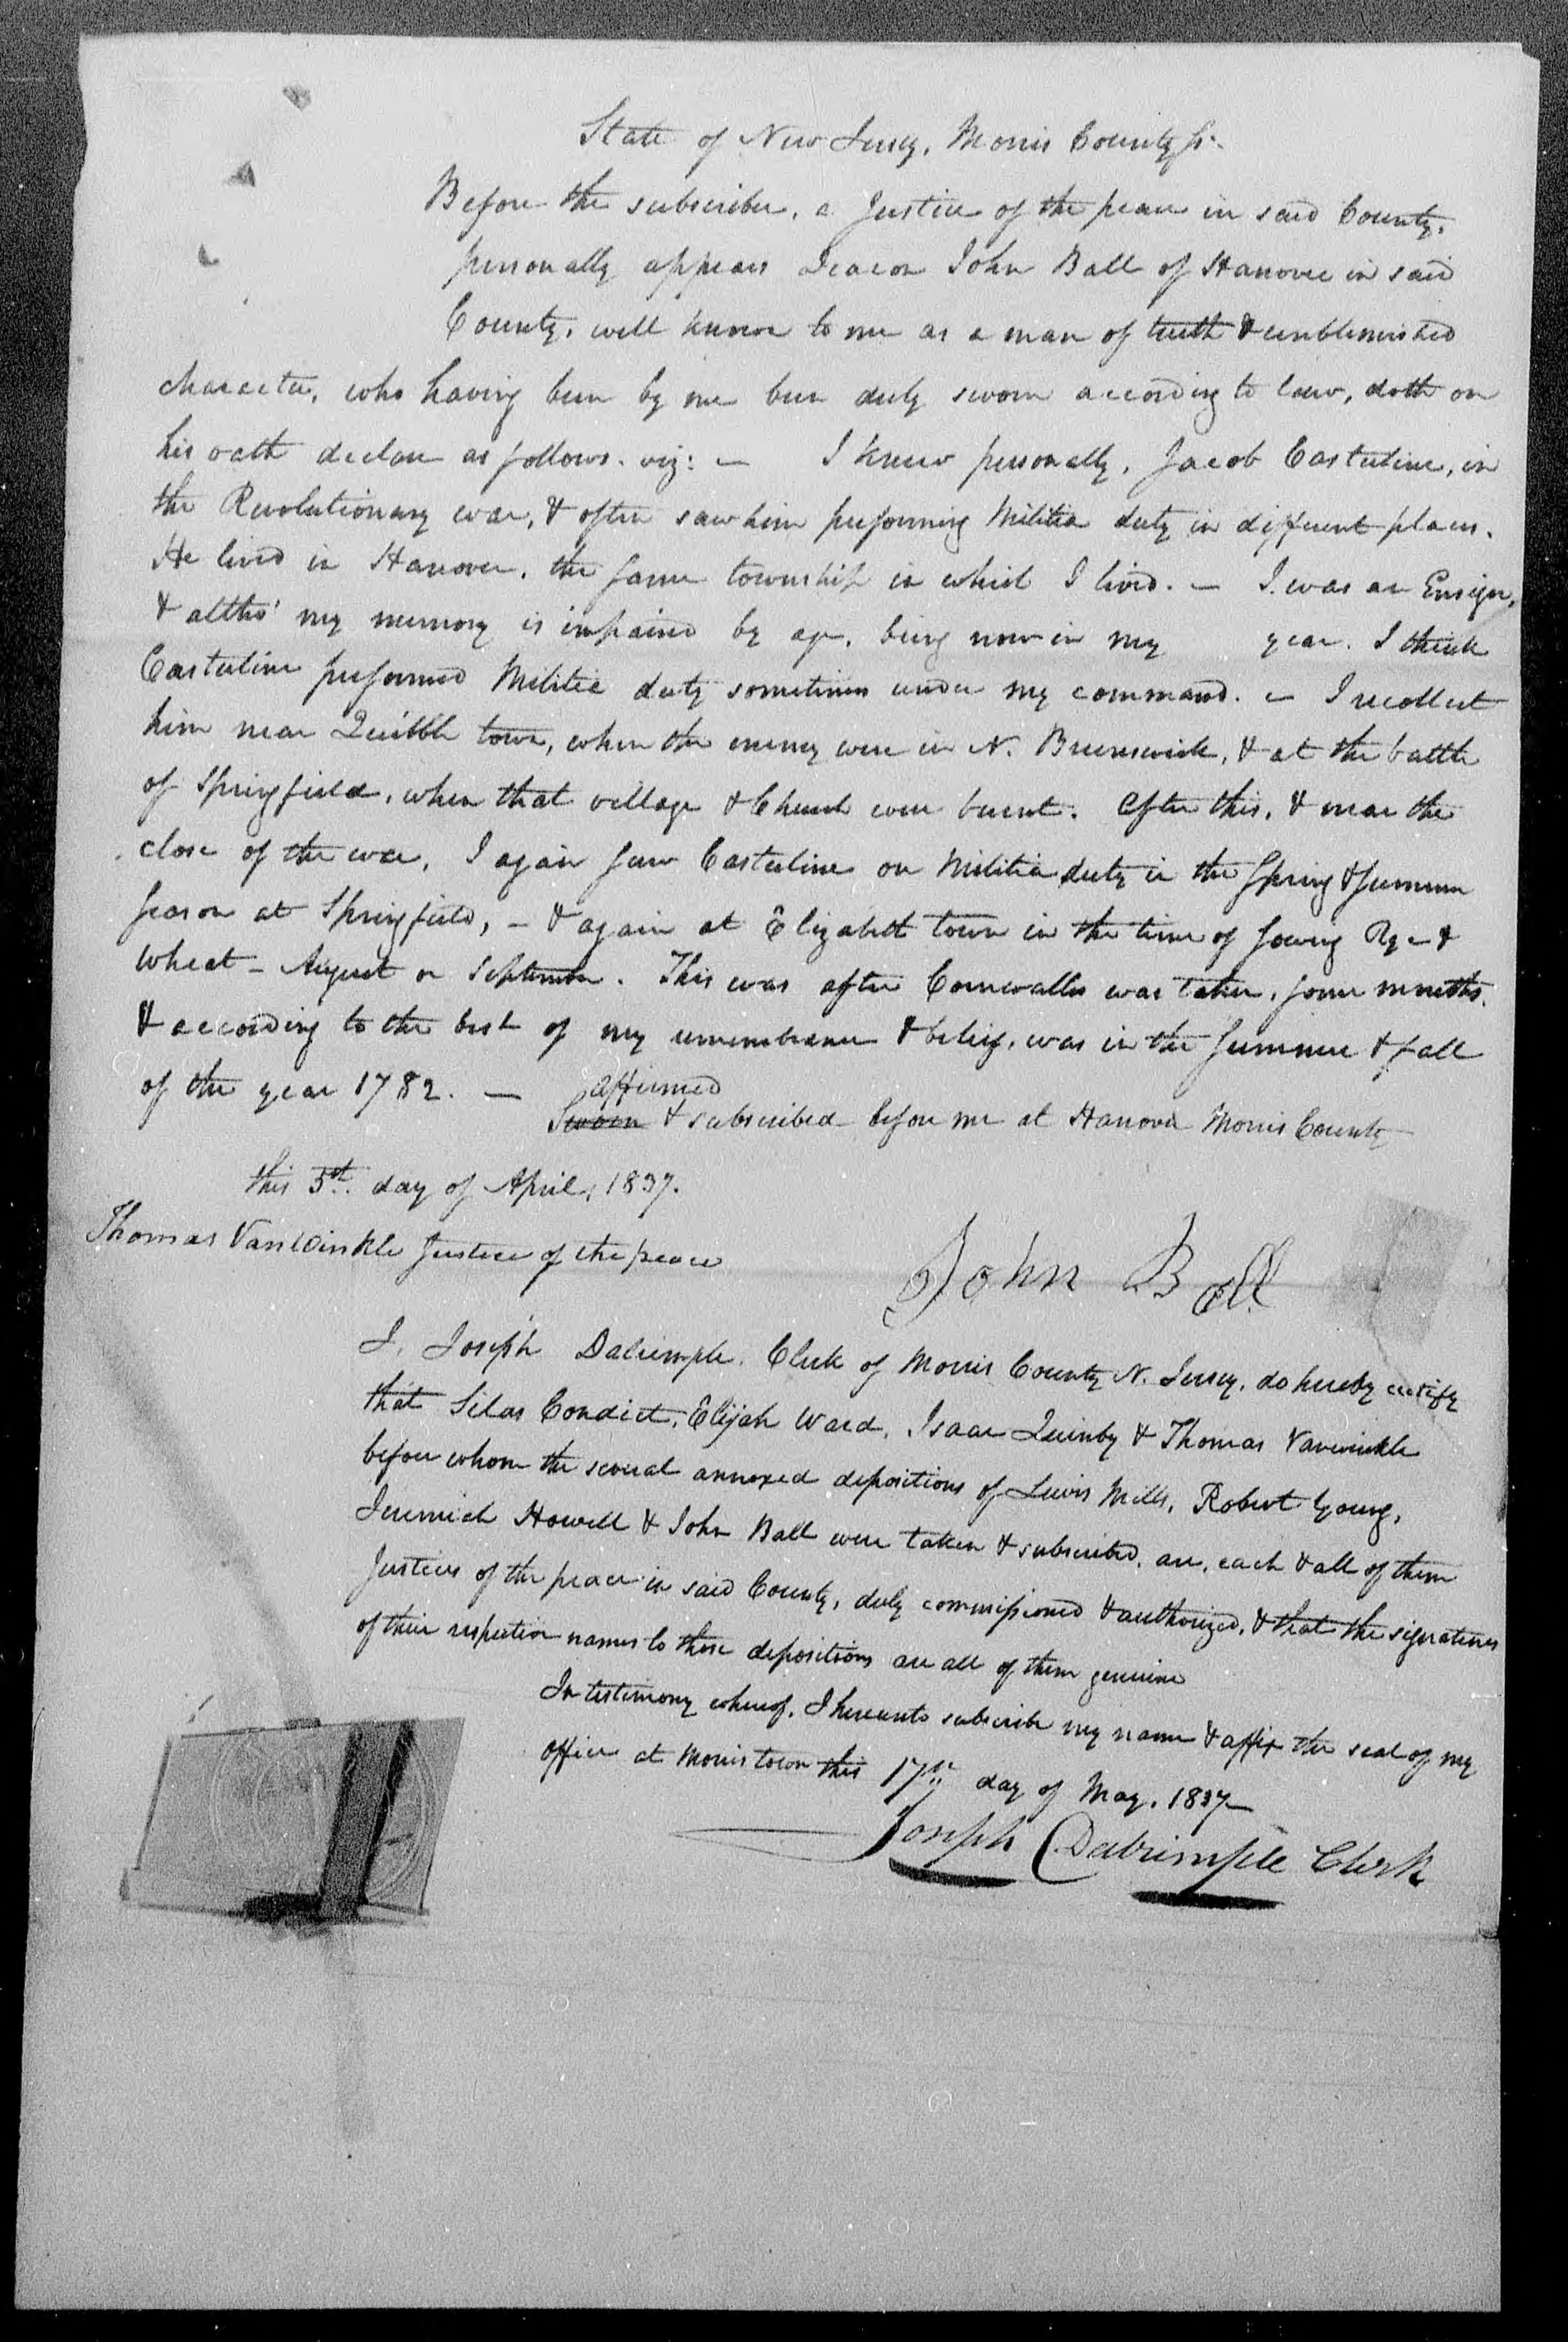State of New Jersey, Morris County
Before the subscriber, a Justice of the peace in said county personally appears Deacon John Ball of Hanover in said county, well known to me as a man of truth & unblemished character, who having been by me thus duly sworn according to law, doth on his oath declare as follows. viz:  I knew personally Jacob Casterline, in the Revolutionary War & often saw him performing militia duty in different places.  He lived in Hanover, the same township in which I lived. - I was an Ensign, & altho my memory is impaired by age, being [?] in my year, I think Casterline performed militia duty sometimes under my command.  - I recollect him near [?] town, when the army were in N. Brunswick & at the battle of Springfield, when that village & church were burnt.  After this, & near the close of the war, I again saw Casterline on militia duty in the time of sowing wheat - August or September.  This was after Cornwallis was taken, four months & according to the best of my remembrance & belief was in the summer & fall of the year 1782.

Affirmed & subscribed before me at Hanover Morris County this 5th day of April 1837.
Thomas VanWinkle Justice of the Peace

John Ball

I Joseph Dalrimple, Clerk of Morris County N. Jersey do hereby certify that Silas Condict, Elijah Ward, Isssac Quimby & Thomas Van Winkle before whom the several annexed depositions of Lewis Mills, Robert George, Jeremiah Howell & John Ball were taken & subscribed, and each & all of them Justices of the peace in said County duly commissioned & authorized & that the signatures of their [?] names to those depositions are all of them genuine.  
In testimony whereof, I hereunto subscribe my name & affix the seal of my office at Morristown this 17th day of May 1837
Joseph Dalrimple Clerk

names: Jacob Casterline, Casterline, Thomas Vanwinkle, Casterline, John Ball, Joseph Dalrimple, Joseph Dalrimple, John Ball, Elijah Ward, Lewis Mills, Isaac Quinby, Jeremiah Howell, Robert Young, Silas Condict, John Ball, Thomas Van Winkle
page: 17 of 38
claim: widow's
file: W. 6644, Jacob Casterline, New Jersey